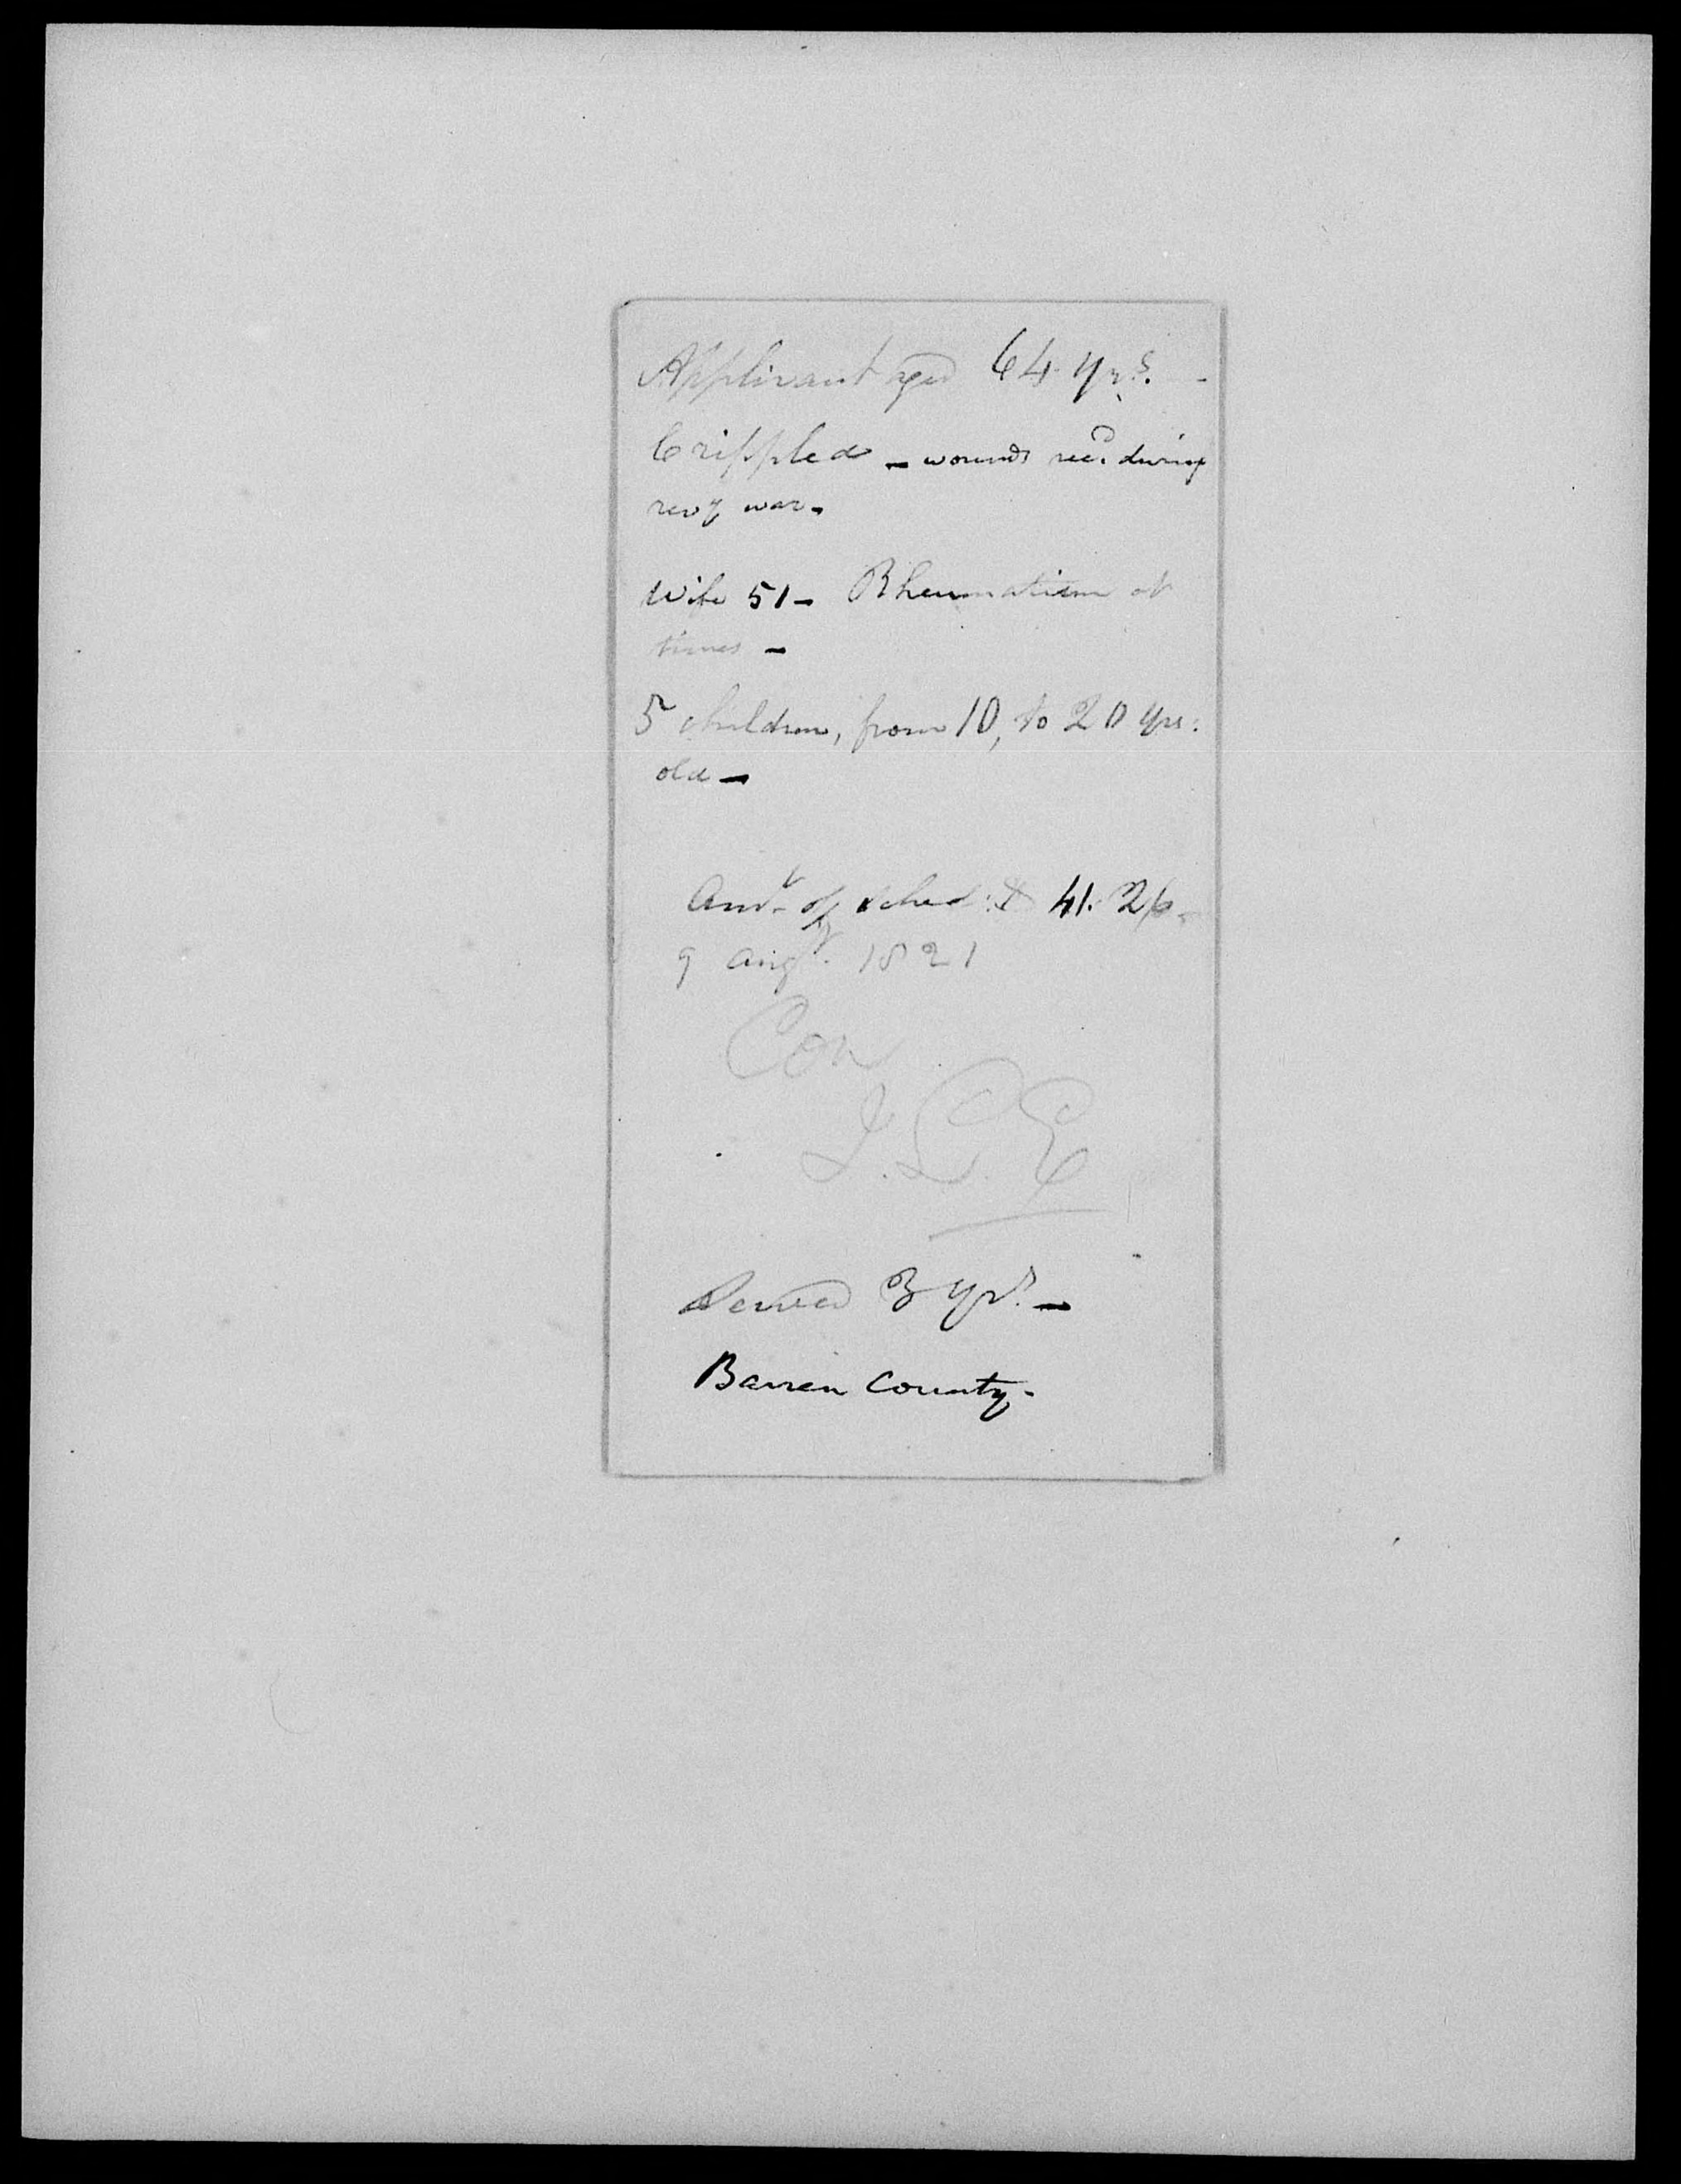Applicant age 64 yrs
crippled wounds rec'd during revy war
Wife 51 - Rheumatism at times
5 children from 10 to 20 yrs old

Amt of schedule $41.26
9 Aug 1821
Con

service 3 yrs
Barren County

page: 21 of 34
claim: survivor's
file: S. 36,051, for Samuel Luckett, Maryland